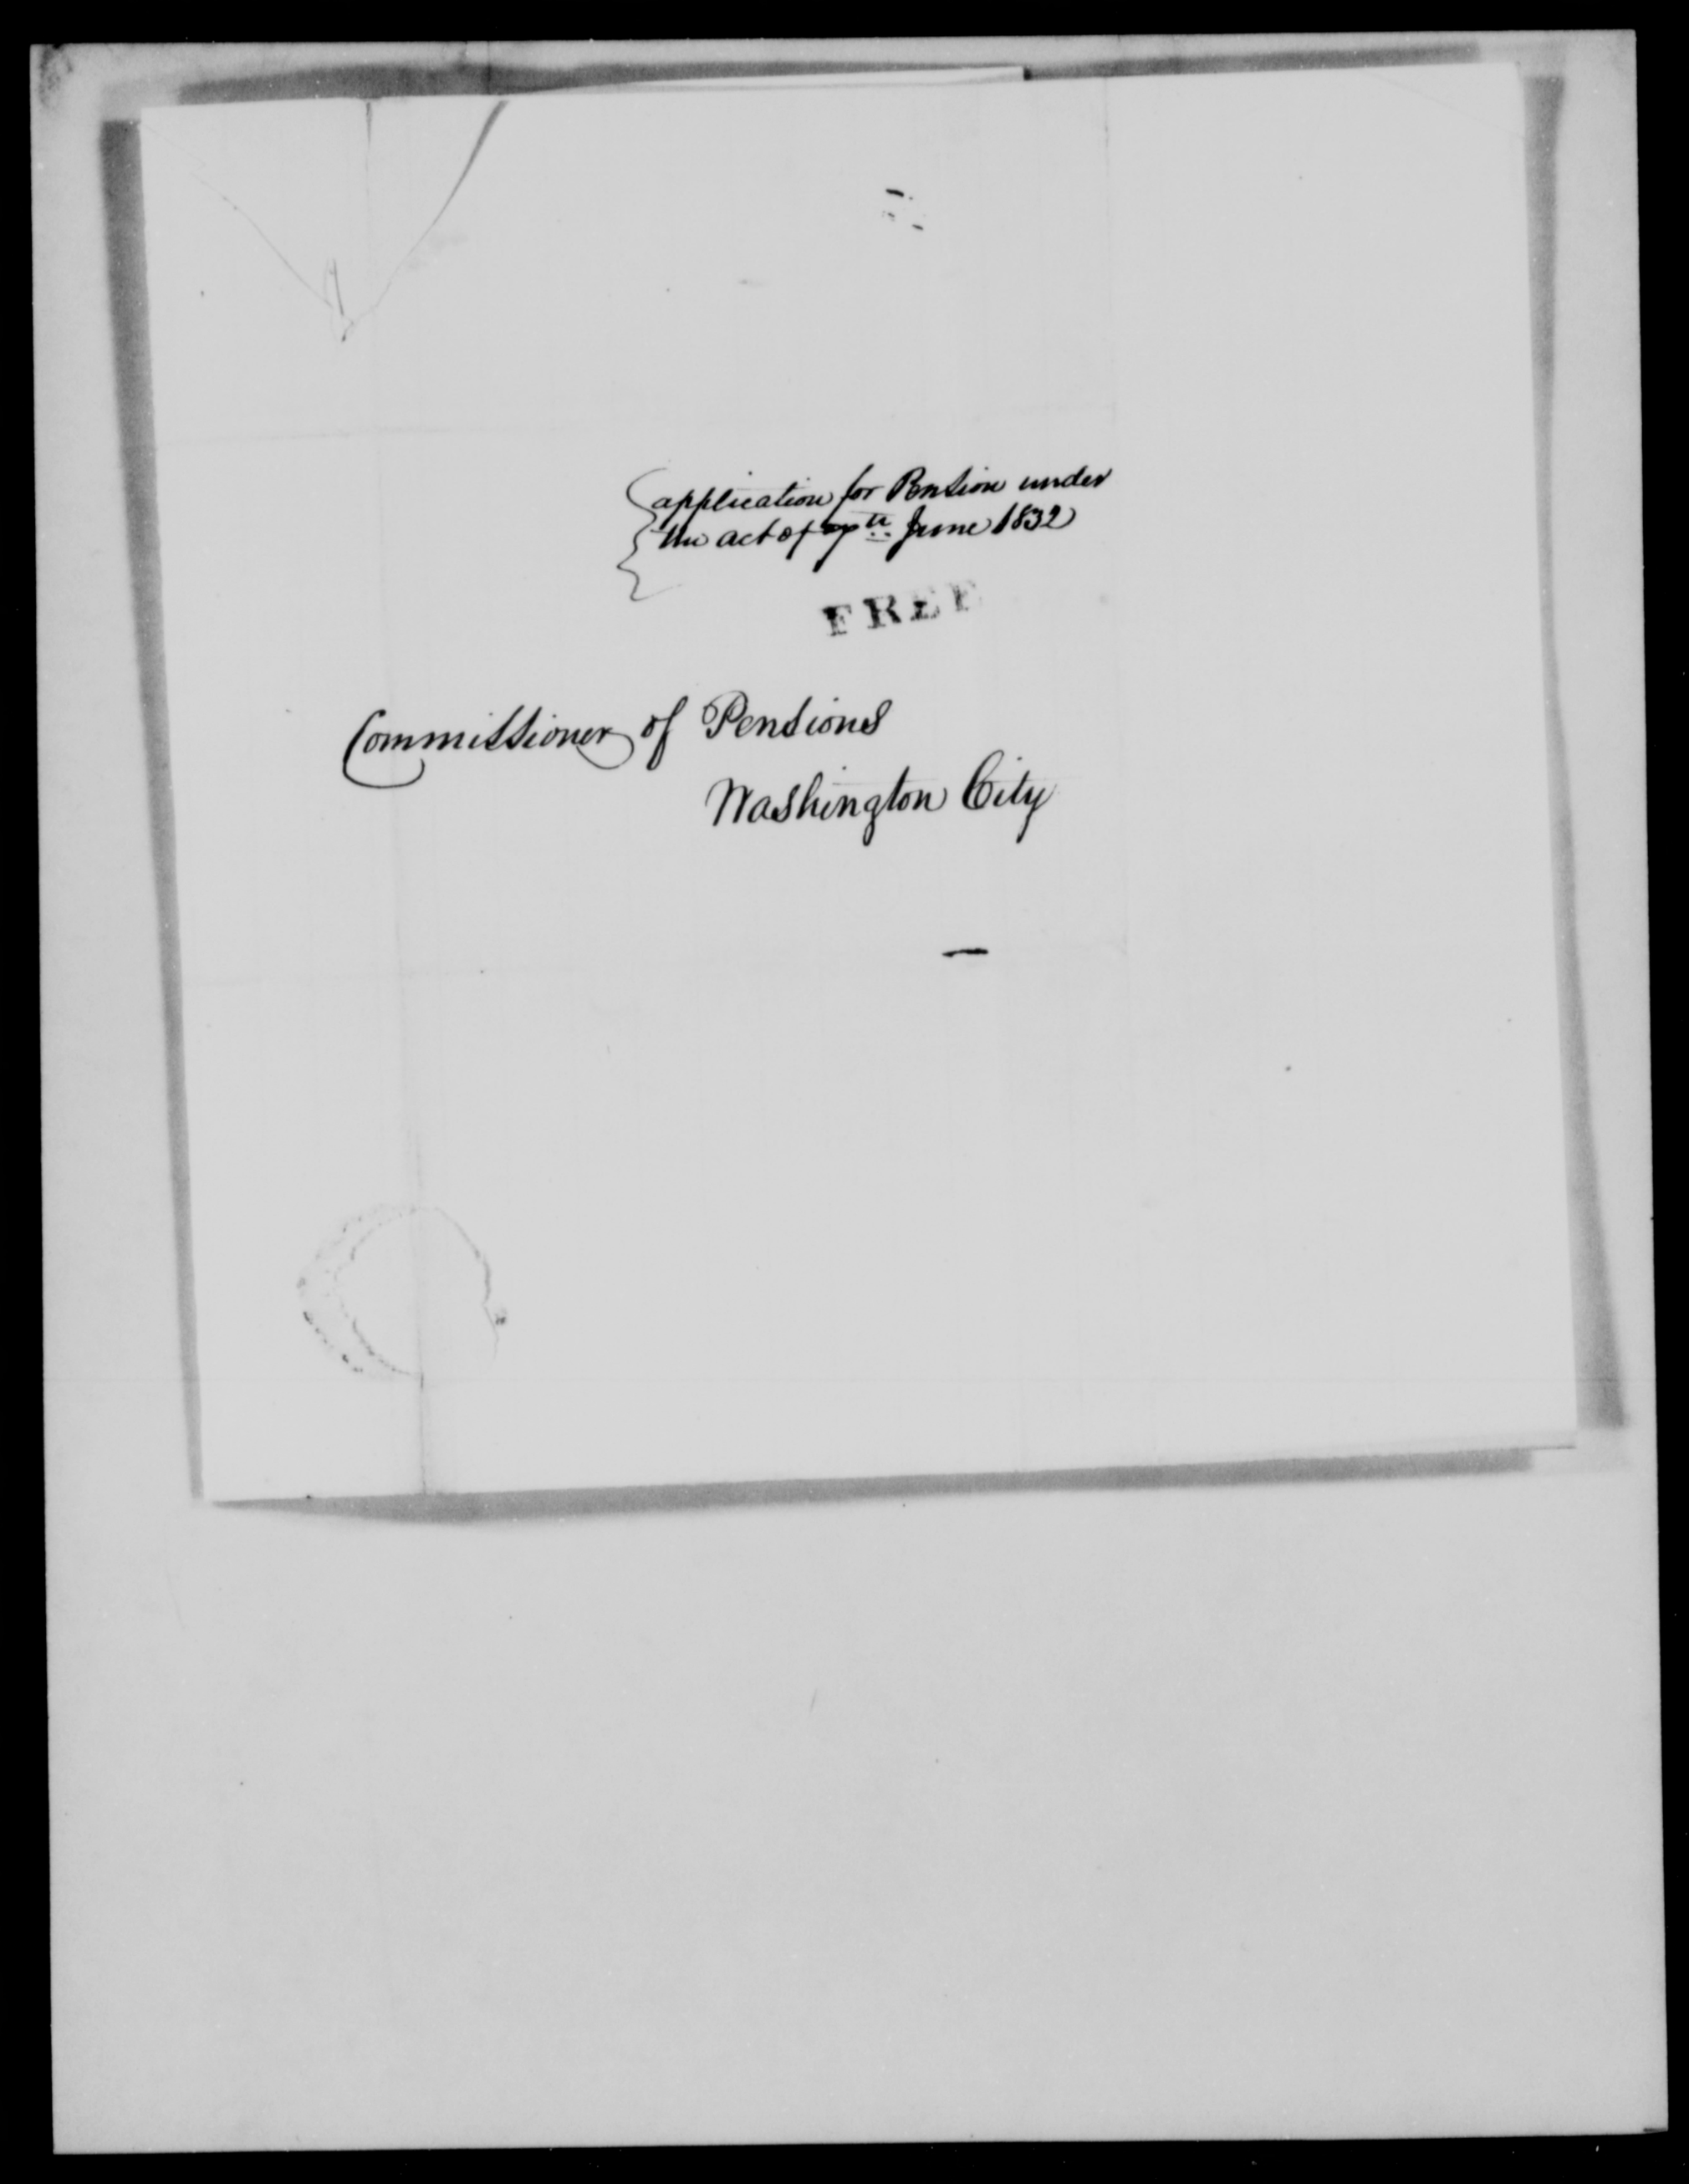Application for Pension under
The act of 7th June 1832

FREE

Commissioner of Pensions
Washington City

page: 16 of 18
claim: rejected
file: R. 11854, Adam Woolheater, Md.